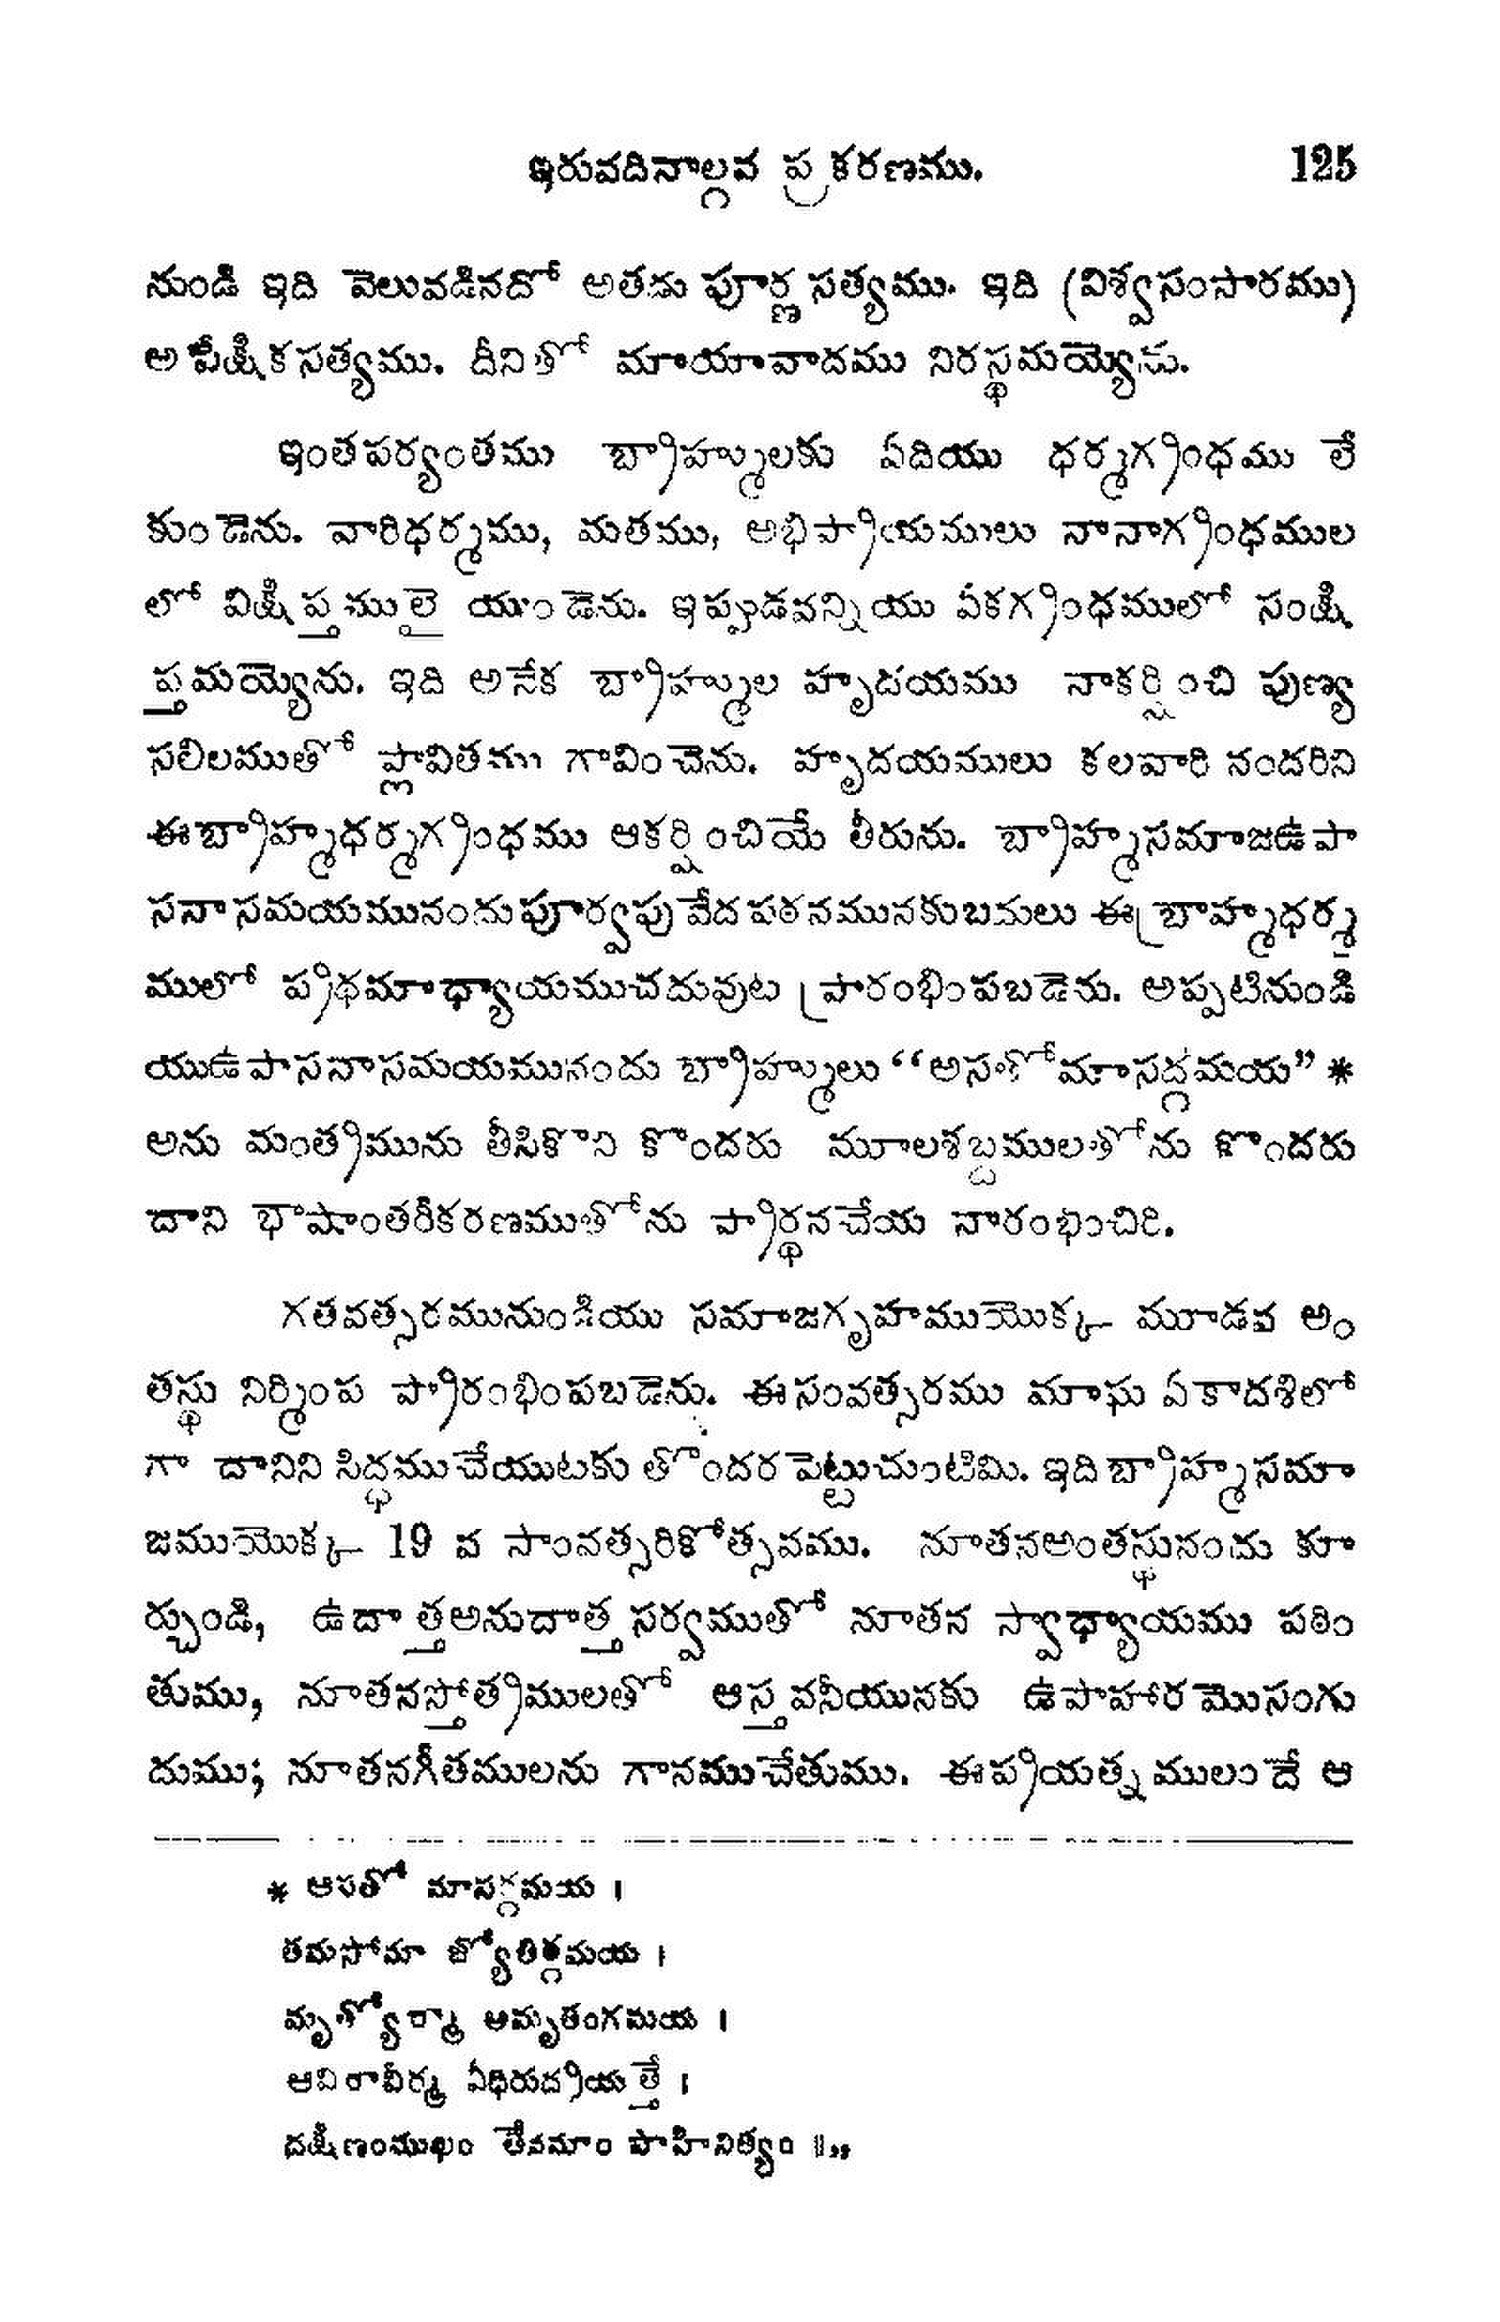.

నుండి ఇది వెలువడినదో అతడు పూర్ణ సత్యము. ఇది (విశ్వసంసారము)
పేక్షిక సత్యము. దీనికో మాయావాదము నిరస్థమయ్యెను.

ఇంత పర్యంతము బ్రాహ్ములకు ఏదియు ధర్మగ్రధము లేకుండెను. 
వారిధర్మము, మతము, అభిప్రాయములు నానాగ్రంధములలో
సంషిక్షిప్తములై యుండెను. ఇప్పుడవన్నియు ఏకగ్రంధములో
సంక్షిప్తతమయ్యెను. ఇది అనేక బ్రాహ్ముల హృదయము నాకర్షించి 
పుణ్యసలిలముతో విత్తము గోవించెను. హృదయములు కలవారి నందరిని
ఈ బ్రాహ్మధర్మగ్రంధము ఆకర్షించియే తీరును. బ్రాహ్మసమాజ
ఉపాసనా సమయమునందు పూర్వపు వేద పఠనమునకు బదులు 
ఈ బ్రాహ్మధర్మములో ప్రథమాధ్యాయము చదువుట ప్రారంభింపబడెను. 
అప్పటినుండియు ఉపాసనా సమయమునందు బ్రాహ్ములు

అను మంత్రమును తీసికొని కొందరు మూలశబ్దములతోను కొందరు
దాని భాషాంతరీకరణముతోను ప్రార్థన చేయ నారంభించిరి.

గతవత్సరమునుండియు సమాజగృహము యొక్క మూడవ అంతస్థు 
నిర్మింప ప్రారంభింపబడెను. ఈ సంవత్సరము మాఘ ఏకాదశి
లోగా దానిని సిద్ధము చేయుటకు తొందర పెట్టుచుంటిమి. ఇది
బ్రాహ్మసమాజము యొక్క 19 వ సాంవత్సరికోత్సవము. నూతన అంతస్థు
నందు కూర్చుండి, ఉదాత్త అనుదాత్త సర్వముతో నూతన స్వాధ్యాయము 
పఠింతుము, నూతనస్తోత్రములతో ఆస్త వనీయుసకు ఉపాహార మొసంగు
దుము; నూతన గీతములను గానము చేతుము. ఈ ప్రయత్నములందే ఆ